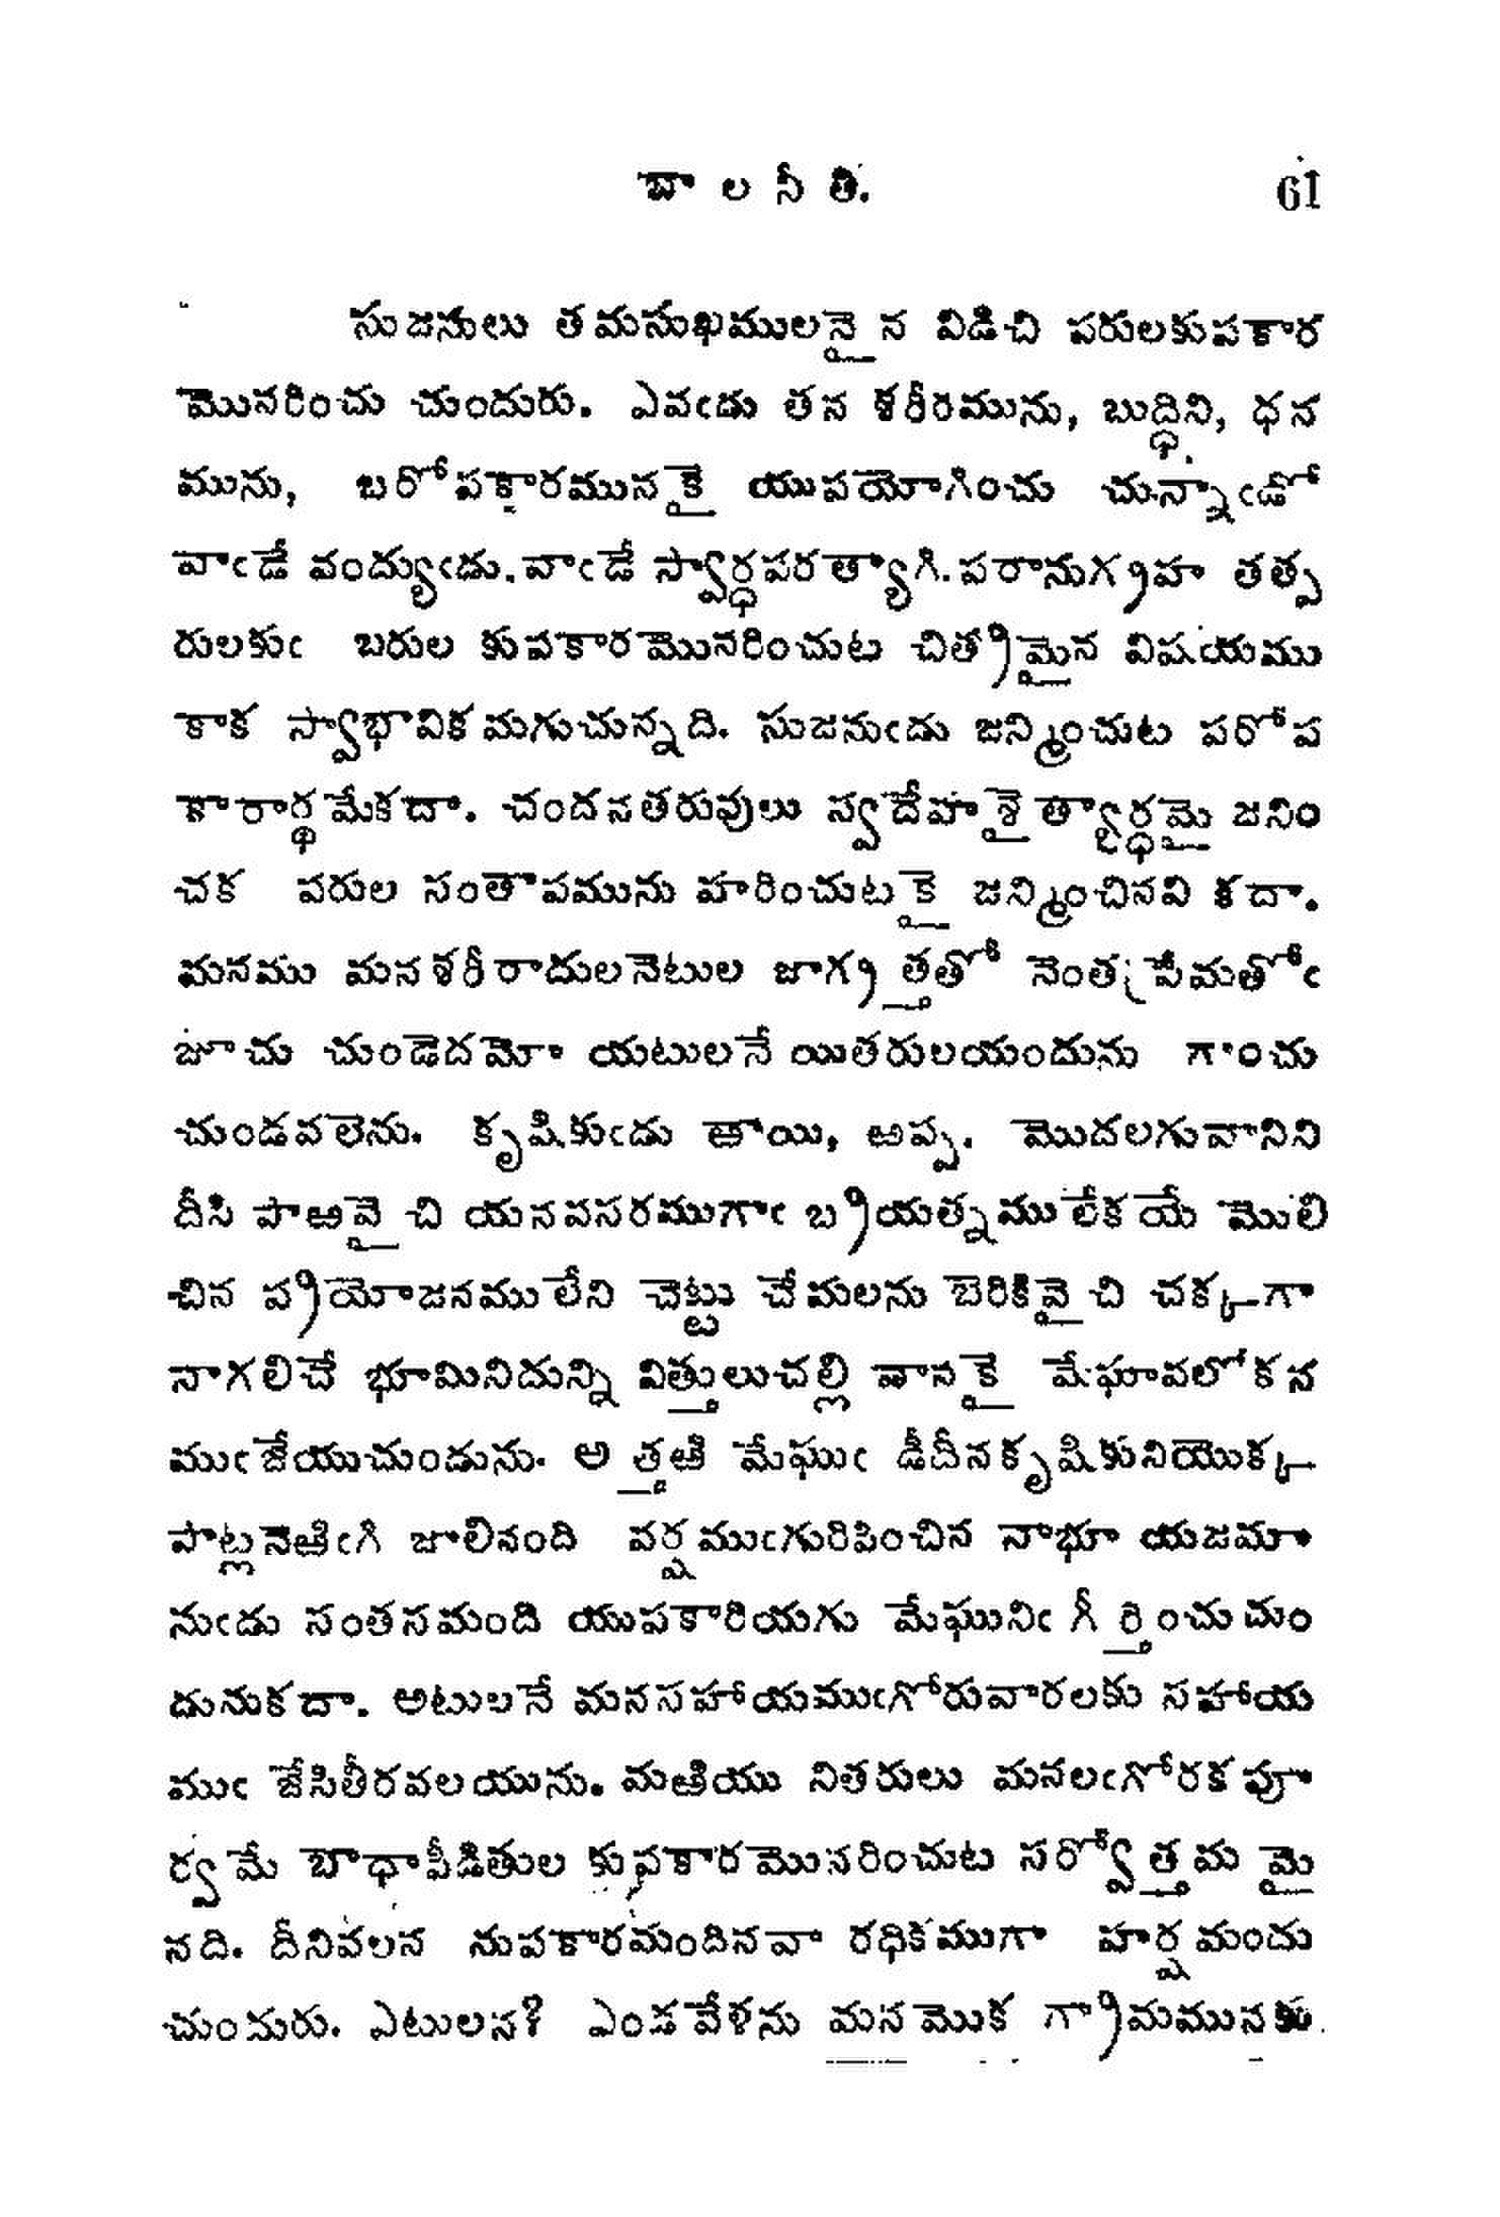సుజనులు తమసుఖములనైన విడిచి పరులకుపకార
మొనరించు చుందురు. ఎవఁడు తన శరీరమును, బుద్ధిని, ధన
మును, బరోపకారమునకై యుపయోగించు చున్నాఁడో 
వాఁడే వంధ్యుఁడు. వాఁడే స్వార్ధపరత్యాగి. పరానుగ్రహ తత్ప
రులకుఁ బరుల కుపకారమొనరించుట చిత్రమైన విషయము
కాక స్వాభావికమగుచున్నది. సుజనుఁడు జన్మించుట పరోప
కారార్థమేకదా. చందనతరువులు స్వదేహశైత్యార్ధమై జనిం
చక పరుల సంతాపమును హరించుటకై జన్మించినవి కదా. 
మనము మనశరీరాదులనెటుల జాగ్రత్తతో నెంతప్రేమతోఁ 
జూచు చుండెదమో యటులనే యితరులయందును గాంచు
చుండవలెను. కృషికుఁడు ఱాయి, ఱప్ప, మొదలగువానిని 
దీసి పాఱవైచి యనవసరముగాఁ బ్రయత్నములేకయే మొలి
చిన ప్రయోజనములేని చెట్టు చేమలను బెరికివైచి చక్కగా 
నాగలిచే భూమినిదున్ని విత్తులుజల్లి వానకై మేఘావలోకన
ముఁజేయుచుండును. అత్తఱి మేఘుఁ డీదీనకృషికునియొక్క 
పాట్లనెఱిఁగి జాలినంది వర్షముఁగురిపించిన నాభూ యజమా
నుఁడు సంతసమంది యుపకారియగు మేఘునిఁ గీర్తించుచుం
డునుకదా. అటులనే మనసహాయముఁగోరువారలకు సహాయ
ముఁ జేసితీరవలయును. మఱియు నితరులు మనలఁగోరకపూ
ర్వమే బాధాపీడితుల కుపకారమొనరించుట సర్వోత్తమ మై
నది. దీనివలన నుపకారమందినవా రధికముగా హర్షమందు
చుందురు. ఎటులన? ఎండవేళను మనమొక గ్రామమునకు